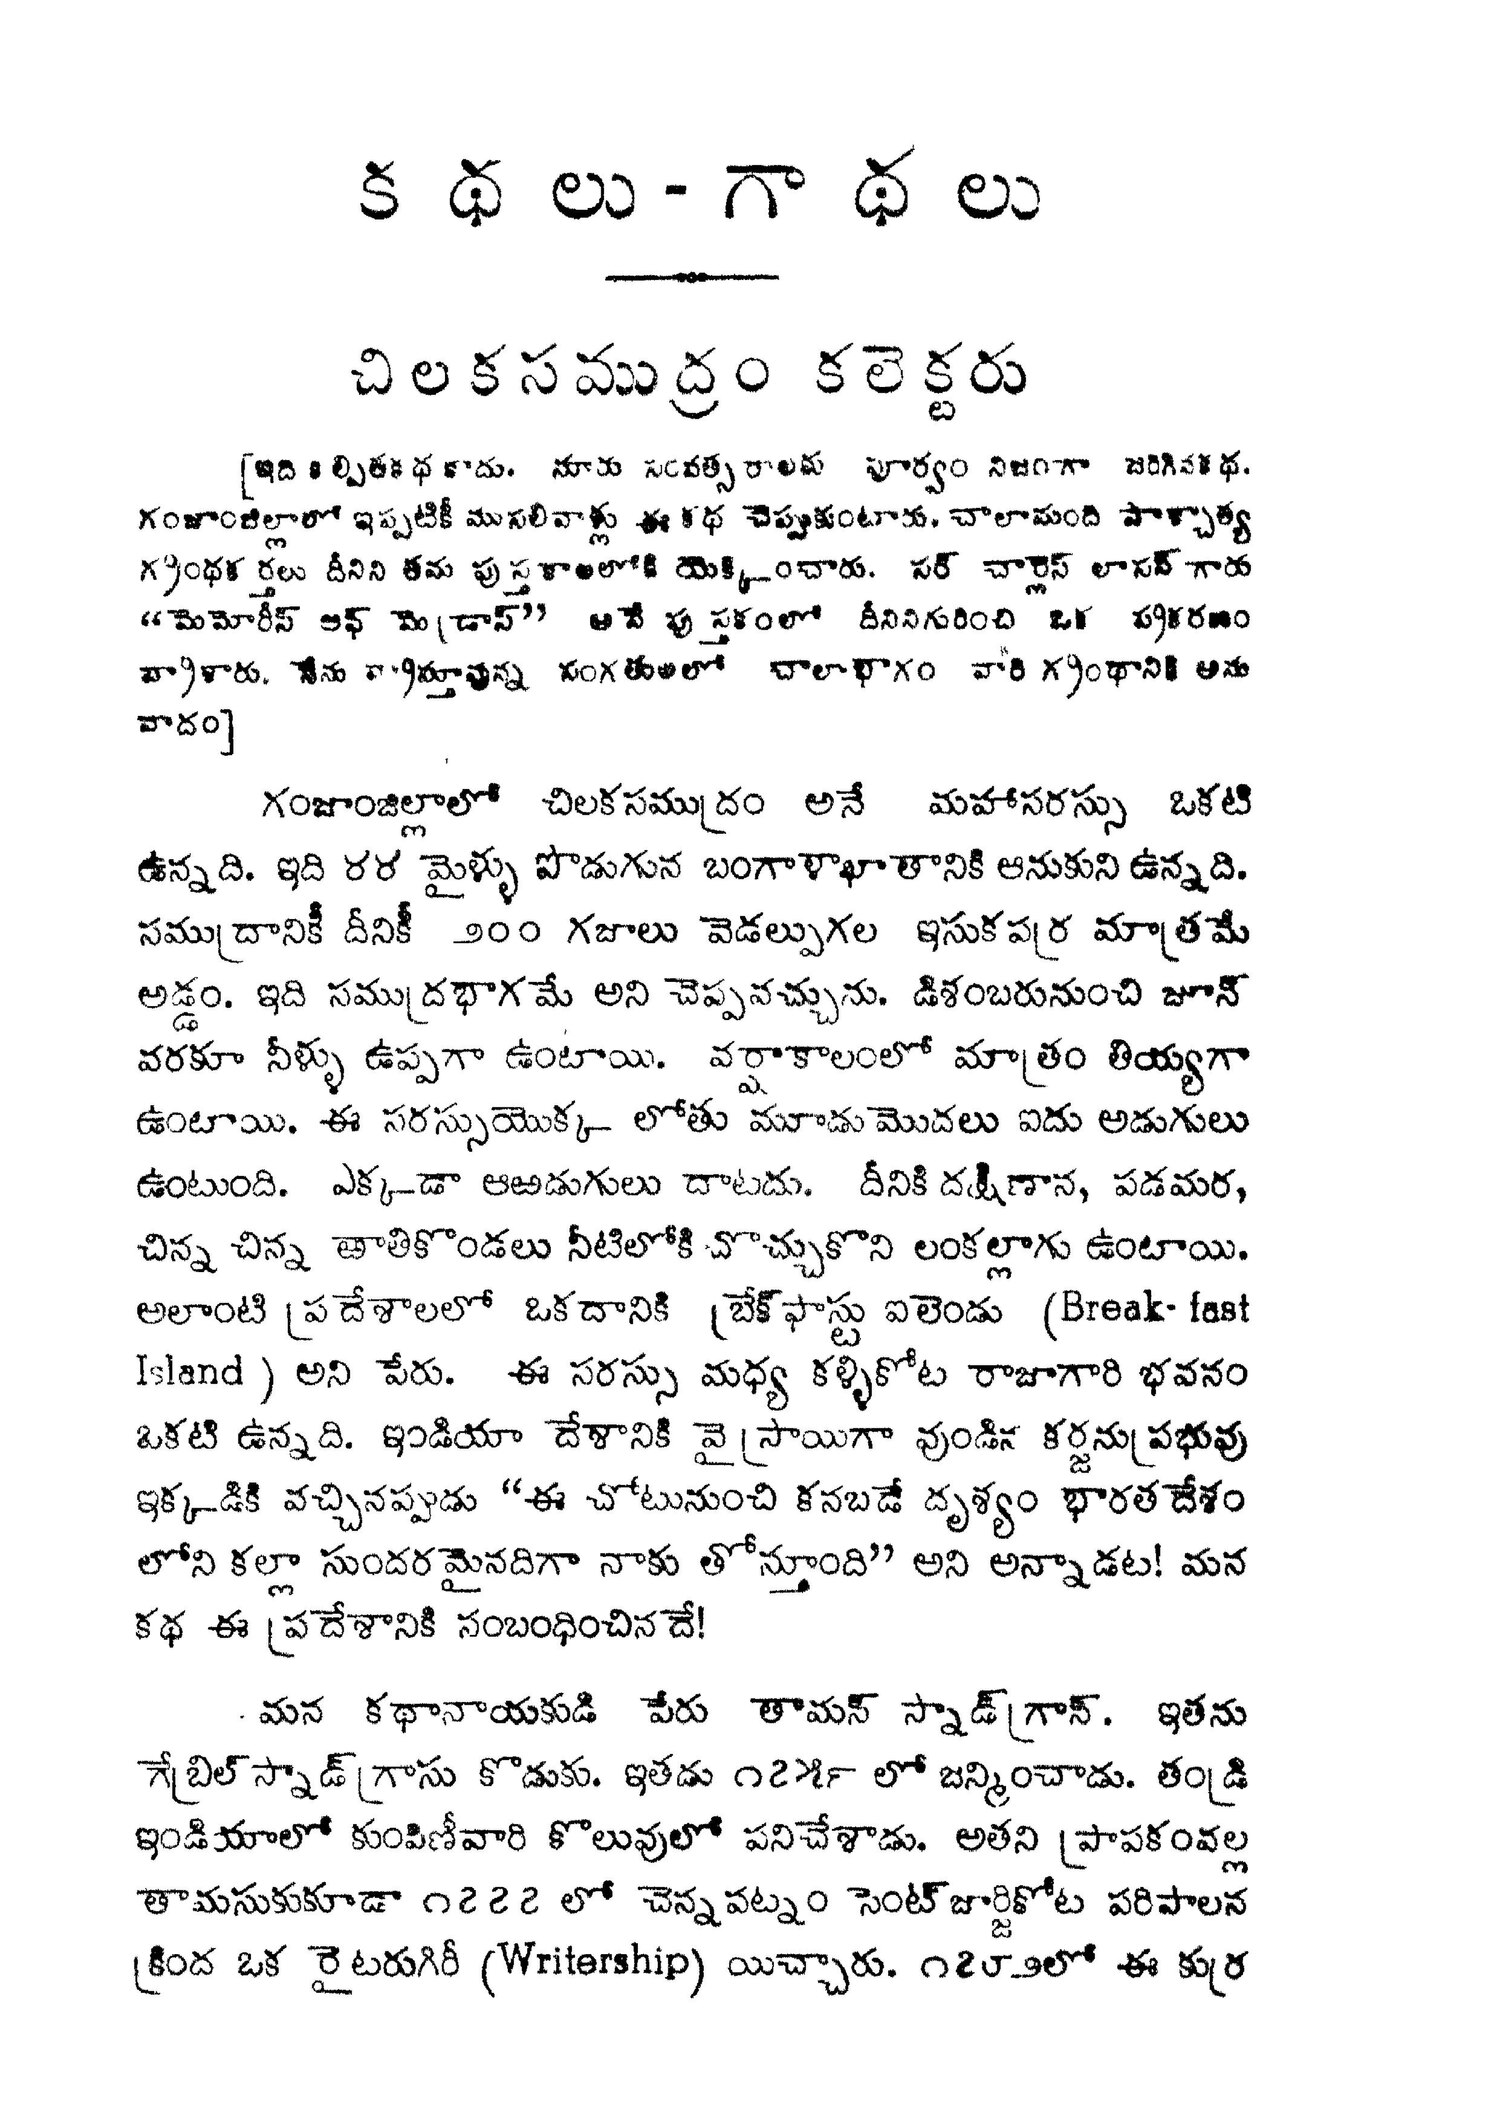గంజాంజిల్లలో చిలకసముద్రం అనే మహాసరస్సు ఒకటి ఉన్నది. ఇది 44 మైళ్ళు పొదుగున బంగాళాఖాతానికి అనుకునిఉన్నది. సముద్రానికి దీనికీ 200 గజాలు వెడల్పుగల ఇసుకపర్ర మాత్రమే అడ్డం. ఇది సముద్రభాగమే అని చెప్పవచ్చును. డిశంబరు నుంచి జూన్ వరకూ నీళ్ళు ఉప్పగా ఉంటాయి. వర్షాకాలంలో మాత్రం తియ్యగా ఉంటాయి. ఈ సరస్సుయొక్క లోతు మూడుమొదలు ఐదు అడుగులు ఉంటుంది. ఎక్కడా ఆరుడుగులు దాటదు. దీనికి దక్షిణాన, పడమర, చిన్న చిన్న ఱాతికొండలు నీటిలోకి చొచ్చుకొని లంకల్లాగు ఉంటాయి. అలాంటి ప్రదేశాలలో ఒకదానికి బ్రేక్ ఫాస్టు ఐలెండు (Break-fast Island) అనిపేరు. ఈ సరస్సులో మధ్య కళ్ళికోట రాజాగారి భవనం ఒకటి ఉన్నది. ఇండియా దేశానికి వైస్రాయిగా వుండిన కర్జనుప్రభువు ఇక్కడికి వచ్చినప్పుడు "ఈ చోటునుంచి కనబడే దృశ్యం భారతదేశంలోని కల్లా సుందరమైనదిగా నాకు తోస్తూంది" అనిఅన్నాడట! మన కధ ఈ ప్రదేశానికి సంబంధించినదే!

మనకధానాయకుడి పేరు తామస్ స్నాడ్ గ్రాస్. ఇతను గేబ్రిగ్రాసు కొడుకు ఇతడు 1759 లో జన్మించాడు. తండ్రి ఇండియాలో కుంఫిణీవారి కొలువులో పనిచేశాడు. అతని ప్రాపకంవల్ల తామసుకుకూడా 1777 లో చెన్నపట్నం సెంట్ జార్జికోట పరిపాలన క్రింద ఒక రైటరుగిరీ (Writership) యిచ్చారు. 1782లో ఈ కుర్ర